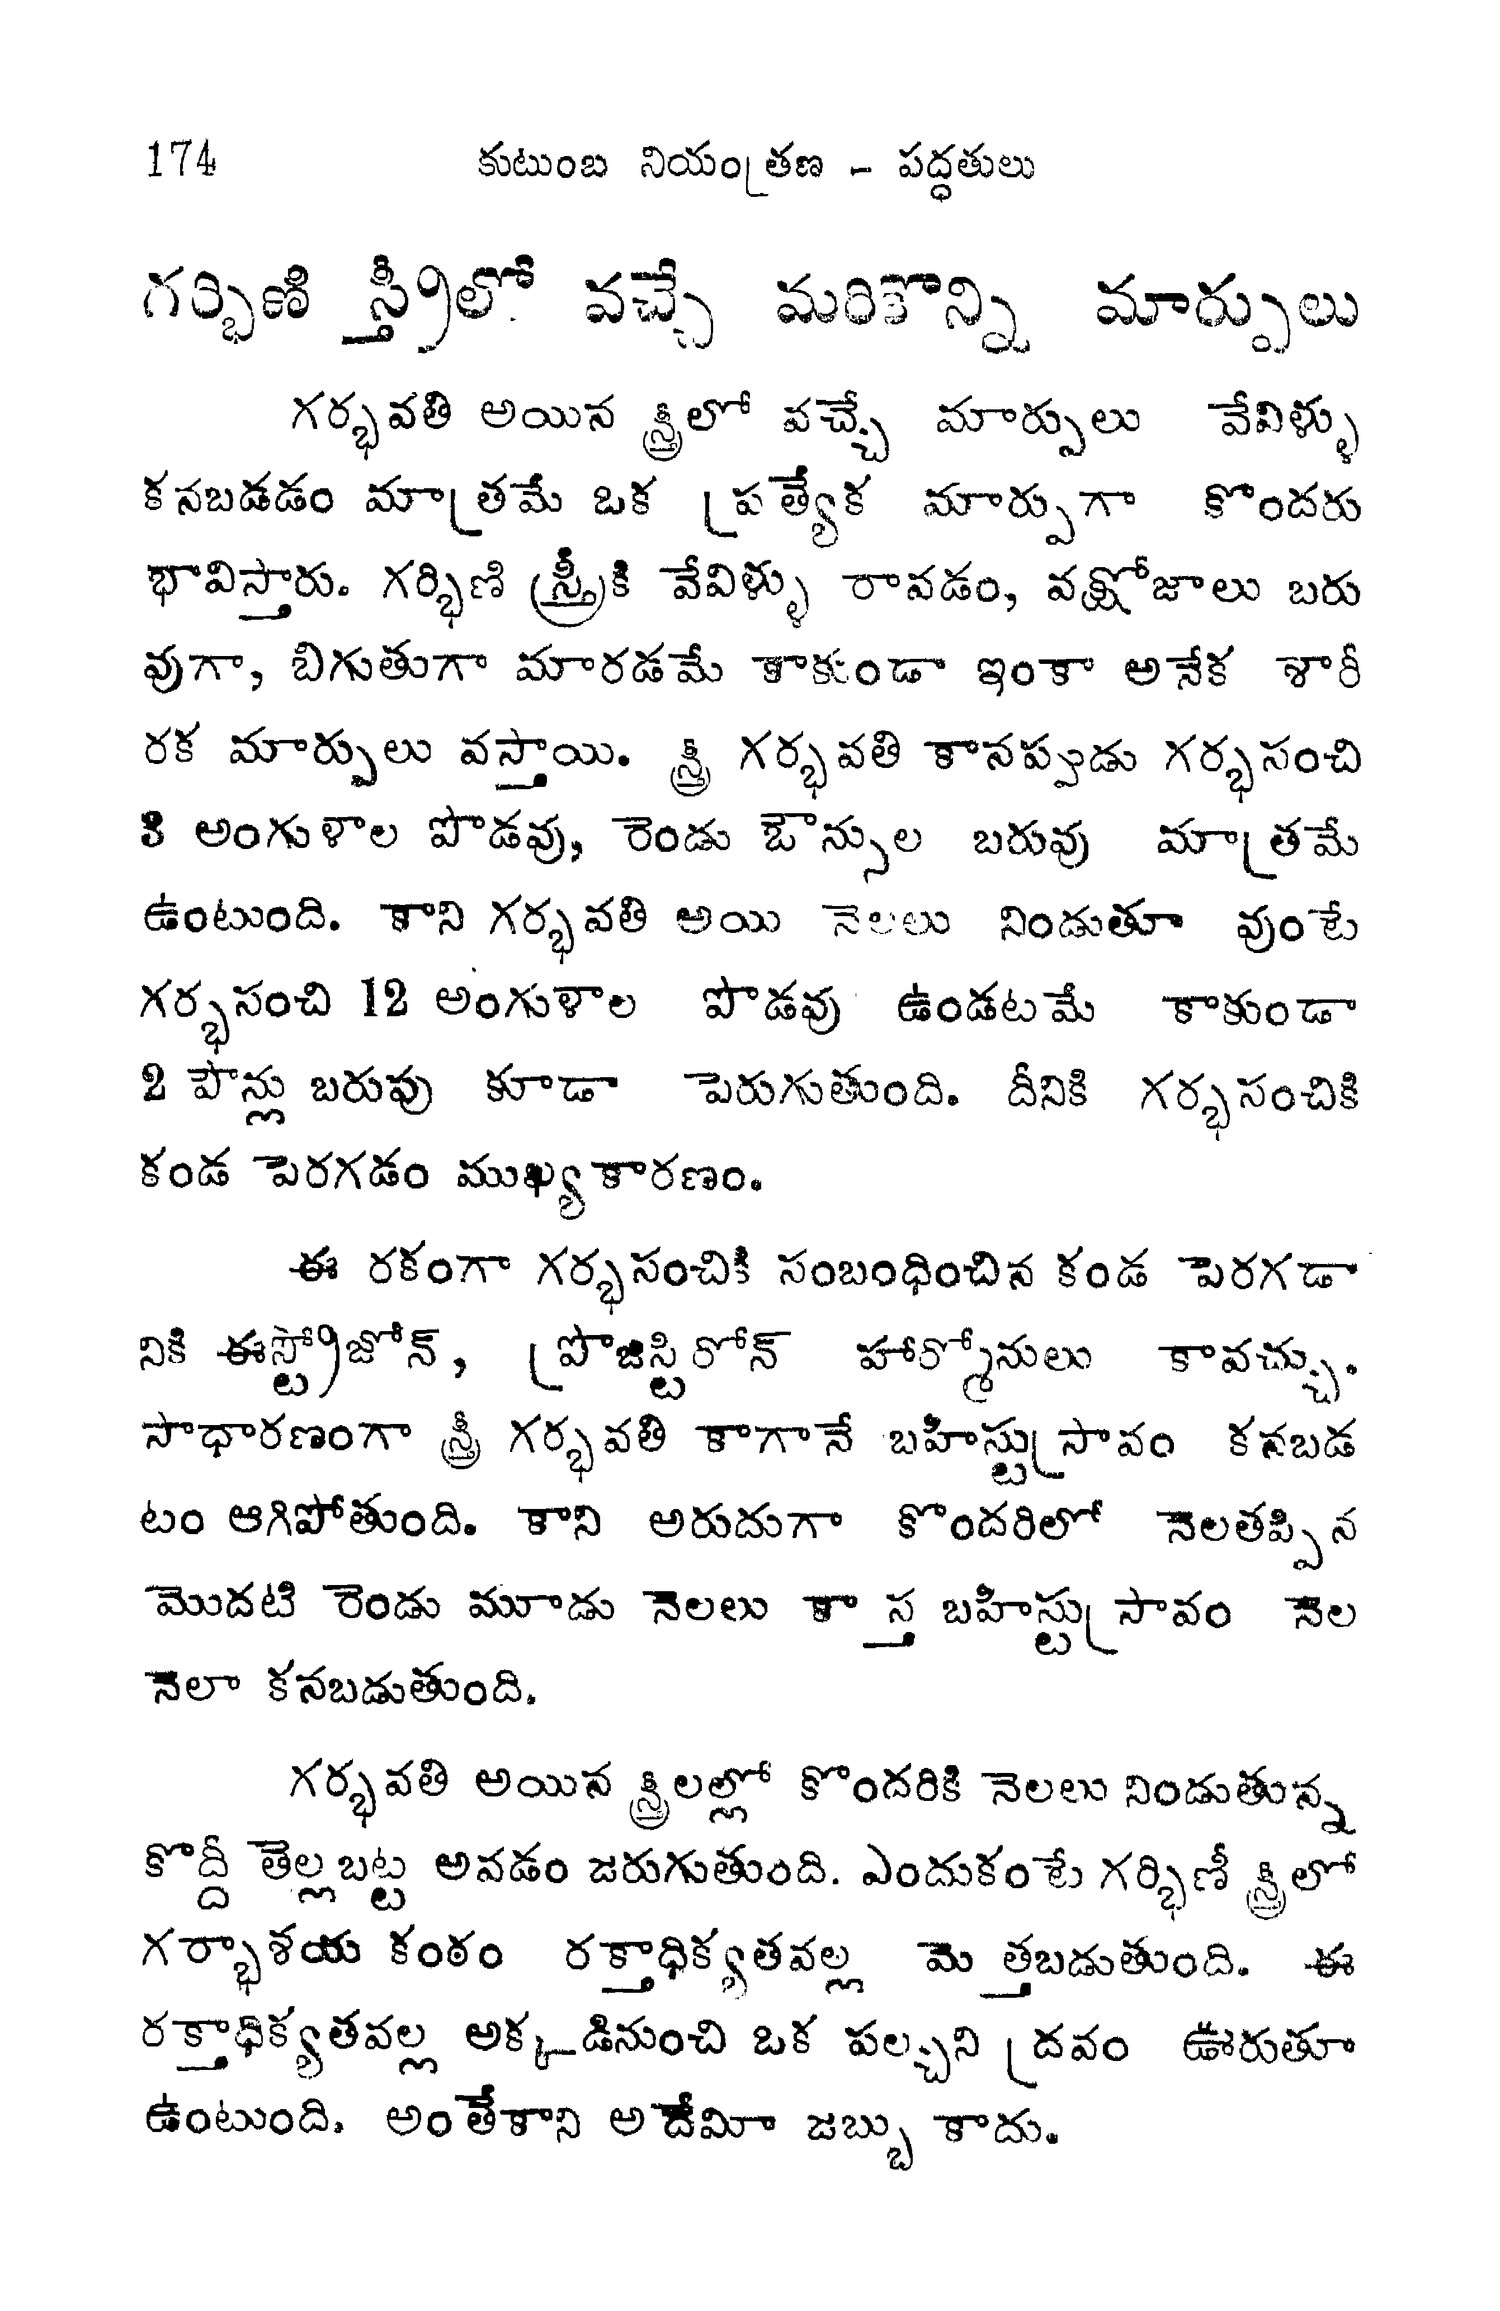గర్భవతి అయిన స్రీలో వచ్చే మార్పులు వేవిళ్ళు కనబడడం మాత్రమే ఒక ప్రత్యేక మార్పుగా కొందరు భావిస్తారు. గర్భిణి స్త్రీకి వేవిళ్ళు రావడం, వక్షోజాలు బరువుగా, బిగుతుగా మారడమే కాకుండా ఇంకా అనేక శారీరక మార్పులు వస్తాయి. స్త్రీ గర్భవతి కానప్పుడు గర్భసంచి 3 అంగుళాల పొడవు, రెండు ఔన్సుల బరువు మాత్రమే ఉంటుంది. కాని గర్భవతి అయి నెలలు నిండుతూ వుంటే గర్భసంచి 12 అంగుళాల పొడవు ఉండటమే కాకుండా 2 పౌన్లు బరువు కూడా పెరుగుతుంది. దీనికి గర్భసంచికి కండ పెరగడం ముఖ్యకారణం.

ఈ రకంగా గర్భసంచికి సంబంధించిన కండ పెరగడానికి ఈస్ట్రోజోన్, ప్రొజిస్టిరోన్ హార్మోనులు కావచ్చు. సాధారణంగా స్త్రీ గర్భవతి కాగానే బహిష్టుస్రావం కనబడటం ఆగిపొతుంది. కాని అరుదుగా కొందరిలో నెలతప్పిన మొదటి రెండు మూడు నెలలు కాస్త బహిష్టుస్రావం నెల నెలా కనబడుతుంది.

గర్భవతి అయిన స్త్రీలల్లో కొందరికి నెలలు నిండుతున్న కొద్దీ తెల్లబట్ట అవడం జరుగుతుంది. ఎందుకంటే గర్భిణీ స్త్రీలో గర్భాశయ కంఠం రక్తాదిక్యతవల్ల మెత్తబడుతుంది. ఈ రక్తాధిక్యతవల్ల అక్కడినుంచి ఒక పల్చని ద్రవం ఊరుతూ ఉంటుంది. అంతేకాని అదేమీ జబ్బు కాదు.